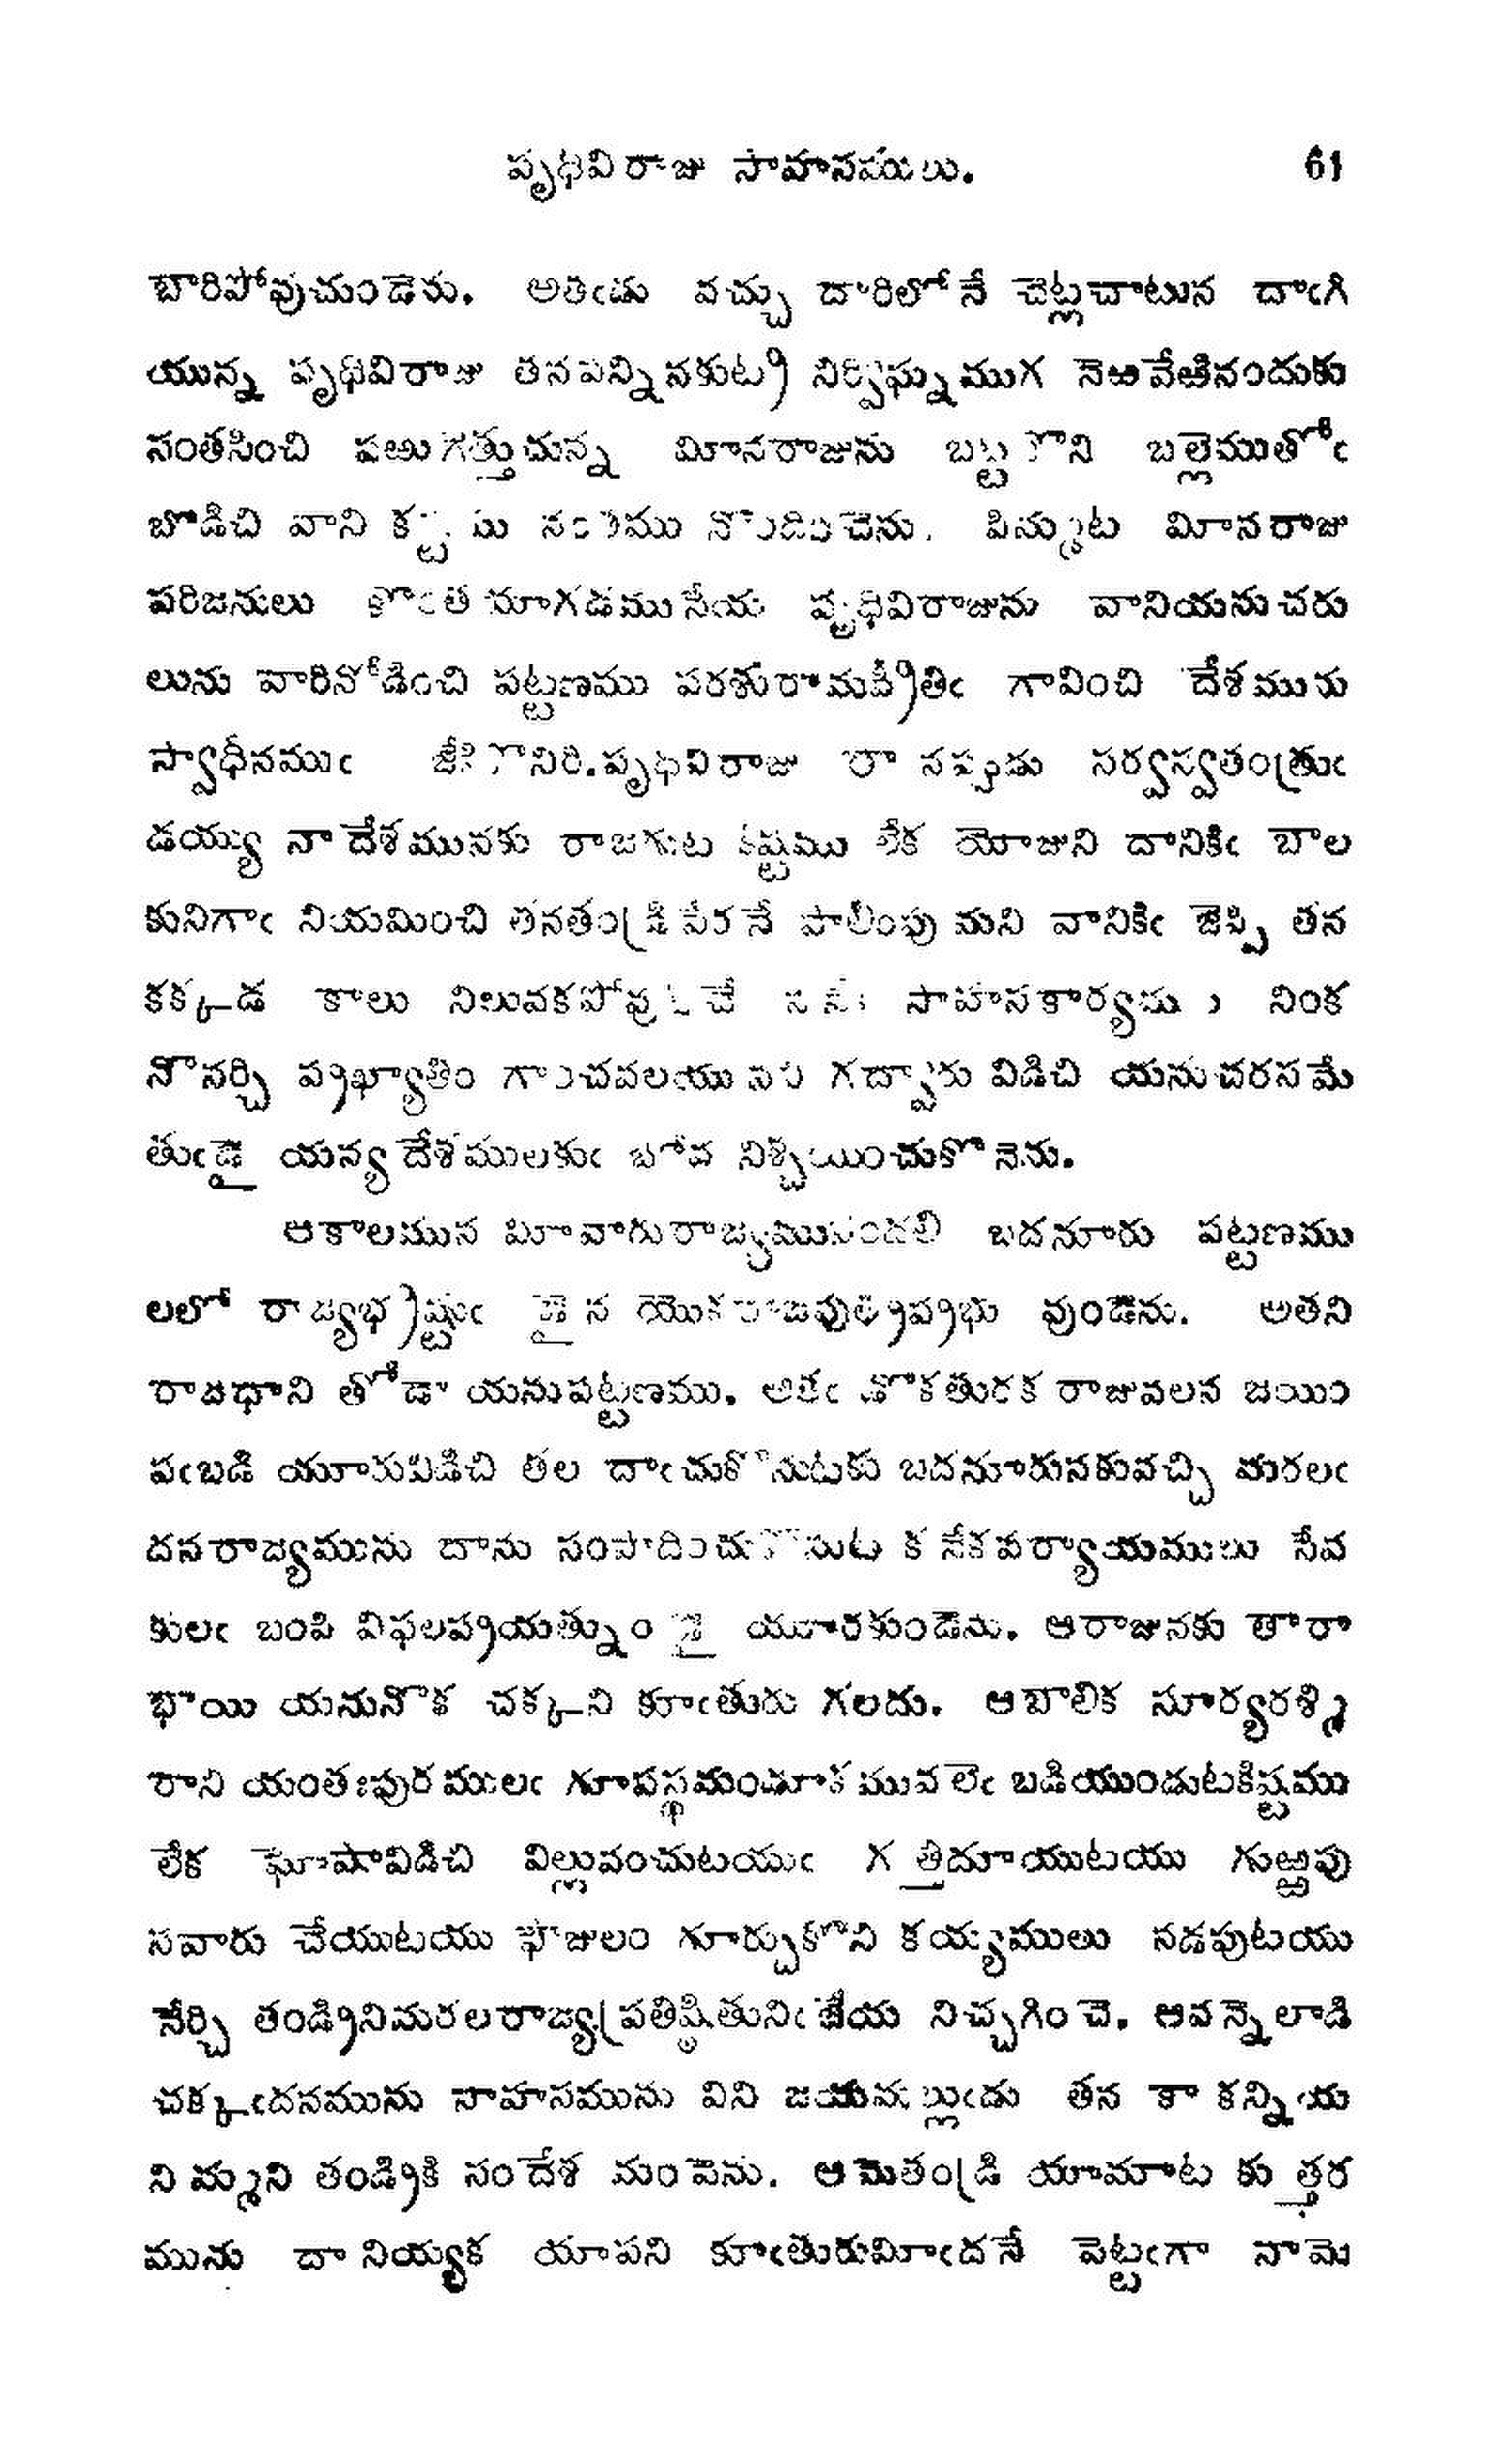బారిపోవుచుండెను. అతఁడు వచ్చు దారిలోనే చెట్ల చాటున దాఁగి యున్న పృథివిరాజు తన పన్నినకుట్ర నిర్విఘ్నముగ నెఱువేఱినందుకు
సంతసించి పఱుగెత్తుచున్న మీనరాజును బట్టుకొని బల్లెముతోఁ బొడిచి వాని కష్టము నంతము నొందించెను. పిన్ముట మీన రాజు
పరిజనులు కొంత యాగడము సేయ పృధివిరాజును వానియనుచరులును వారినోడించి పట్టణము పరశురామప్రీతిఁ గావించి 'దేశమును
స్వాధీనముఁ జేసికోనిరి. పృధివి రాజు తా నప్పుడు సర్వస్వతంత్రు డయ్యు నా దేశమునకు రాజగుట కిష్టము లేక యోజుని దానికిఁ బాల
కునిగాఁ నియమించి తనతండ్రి పేరనే పాలింపు మని వానికిఁ జెప్పి తన కక్కడ కాలు నిలువకపోవుటచే ననేక సాహస కార్యముల, నింక
నొనర్చి ప్రఖ్యాతిం గాంచవలయు నని గద్వారు విడిచి యనుచర సమేతుఁడై యన్య దేశములకుఁ బోవ నిశ్చయించుకొనెను.

ఆకాలమున మీవారు రాజ్యమునందనలి బదనూరు పట్టణములలో రాజ్యబ్రష్టుఁ డైన యొక రాజపుత్ర ప్రభు వుండెను.అతని రాజధాని తోడా
యను పట్టణము. అతఁ డోక తురకరాజువలన జయింపఁబడి యూరువిడిచి తల దాఁచుకోనుటకు బదనూరునకువచ్చి మరలఁ దన రాజ్యమును దాను సంపాదించుకోనుట కనేక పర్యాయములు సేవకులఁ బంపి విఫలప్రయత్నుండై యూరకుండెను. ఆరాజునకు తారాభాయి యనునొక చక్కని కూఁతురు గలదు. ఆ బాలిక సూర్యరశ్మి రాని యంతఃపురములఁ గూపస్థ మండూకమువలెఁ బడియుండుట కిష్టము
లేక ఘోషావిడిచి విల్లువంచుటయుఁ గత్తిదూయుటయు గుఱ్ఱపు నవారు చేయుటయు ఫాజులం గూర్చుకుని కయ్యములు నడపుటయు
నేర్చి తండ్రిని మరల రాజ్య, ప్రతిష్ఠితునిఁ జేయ నిచ్చగించె, ఆవన్నెలాడి చక్కఁదనమును సాహసమును విని జయమల్లుఁడు తనకా కన్నియ
నిమ్మని తండ్రికి సందేశ మంపెను. ఆమెతండ్రి యామాట కుత్తరమును దా నియ్యక యాపని కూతురు మీఁదనే పెట్టఁగా నామె